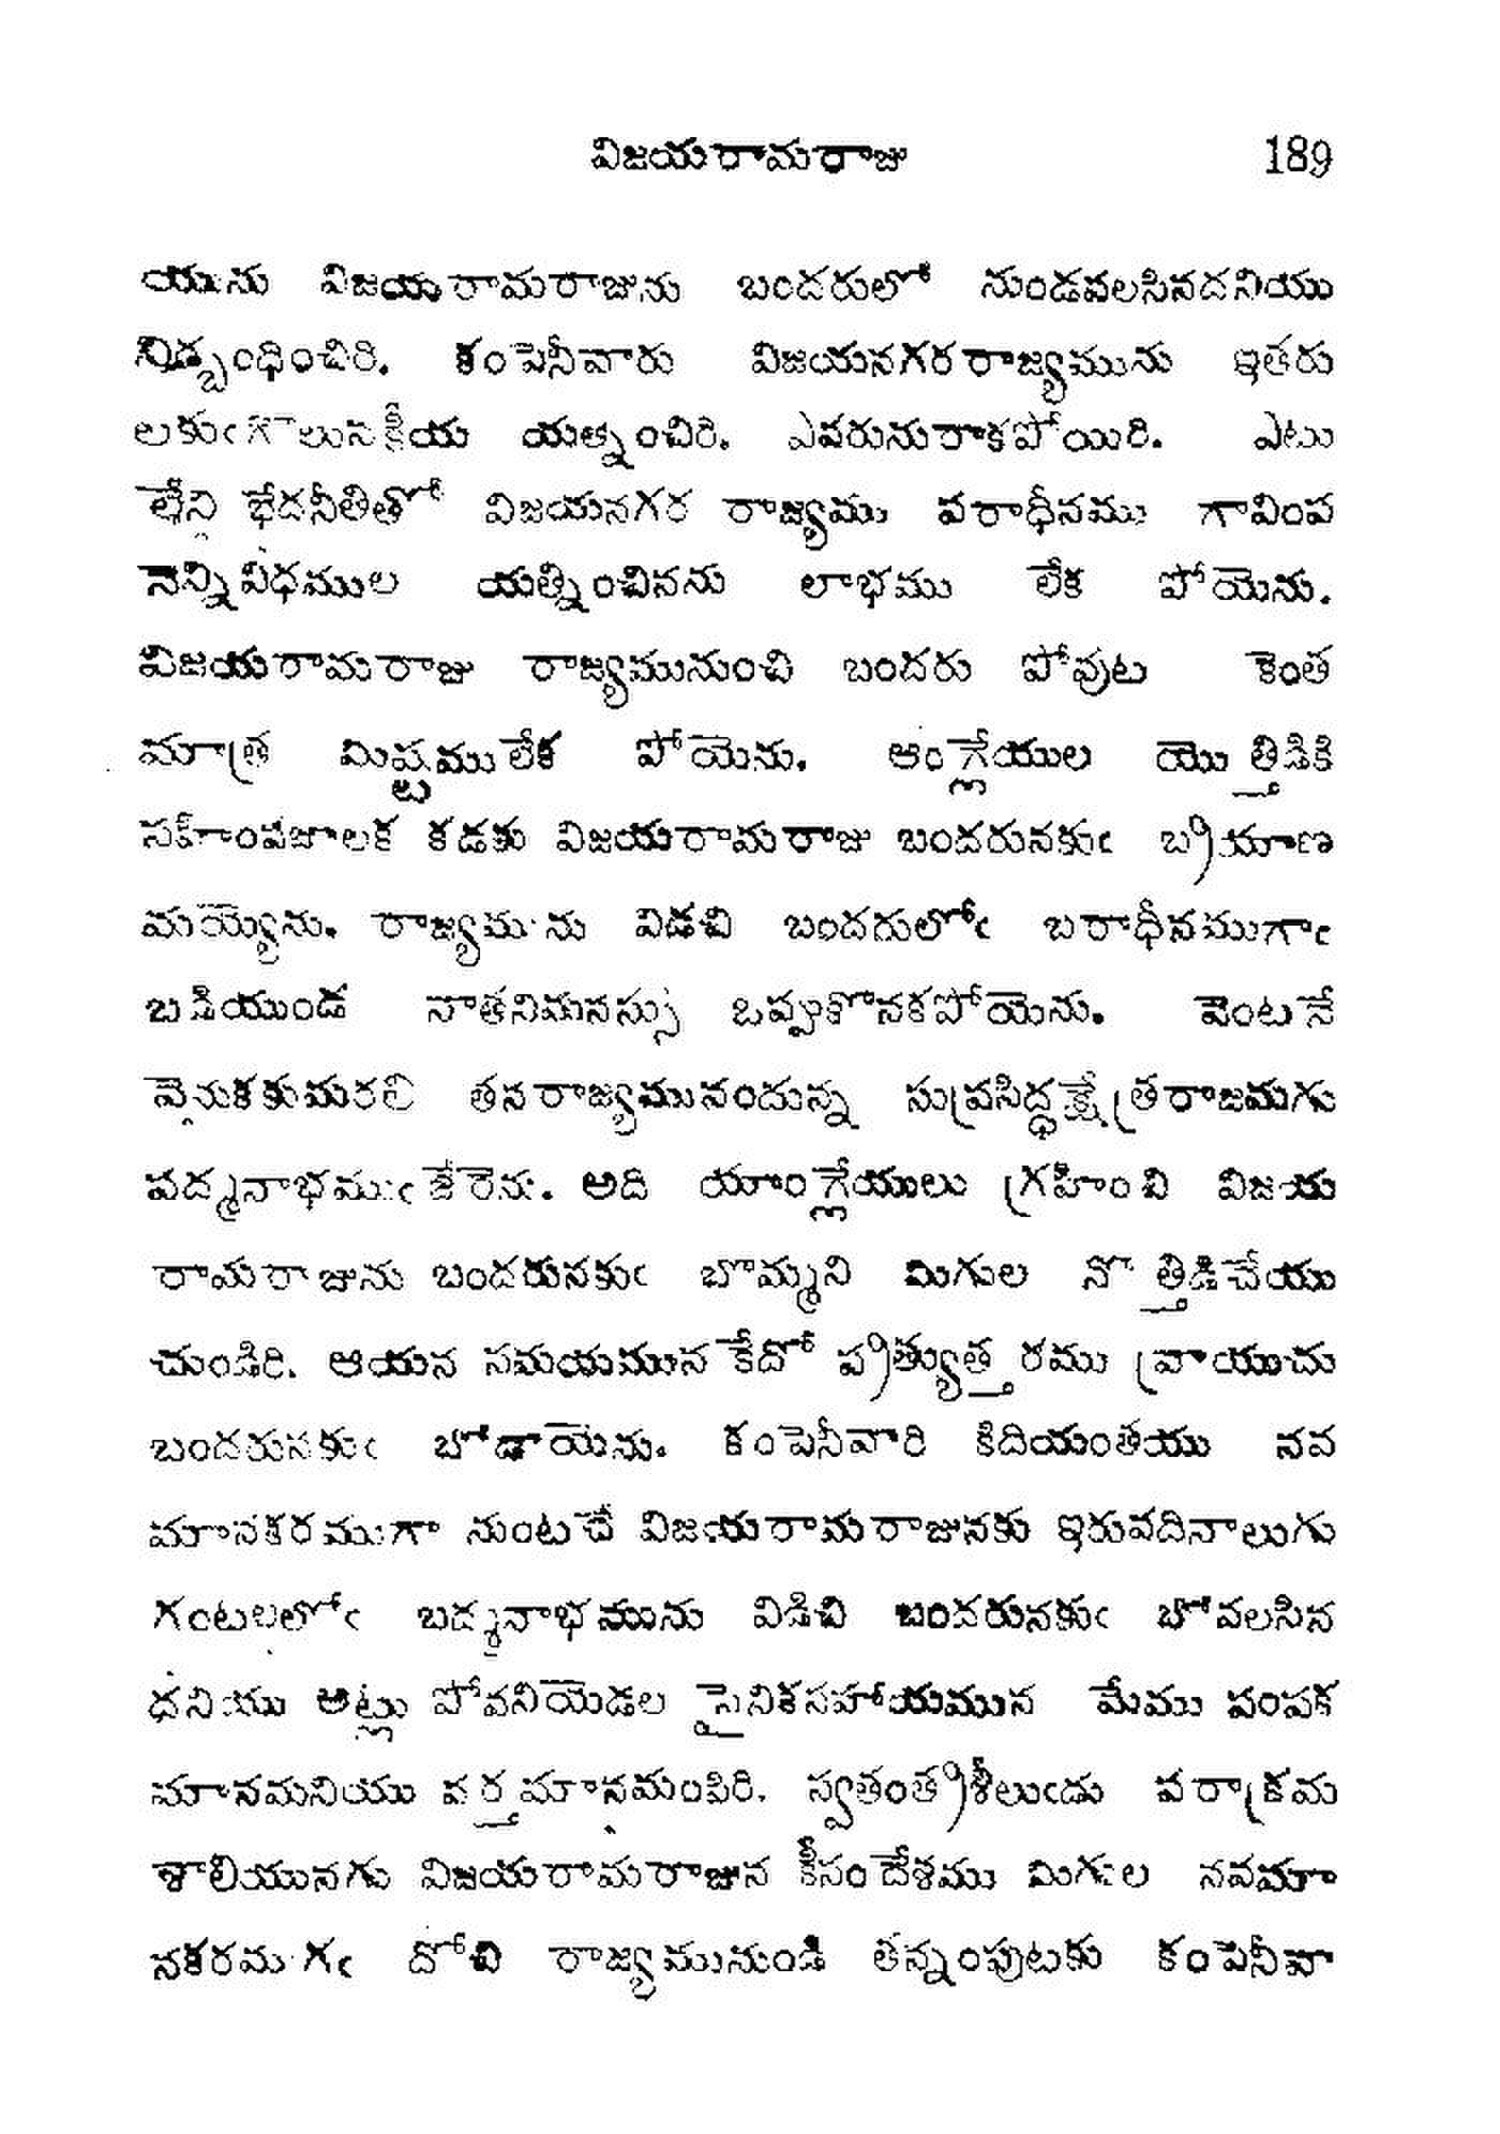యును విజయరామరాజును బందరులో నుండవలసినదనియు నిర్బంధించిరి. కంపెనీవారు విజయనగరరాజ్యమును ఇతరులకు గౌలునకీయ యత్నించిరి. ఎవరునురాకపోయిరి. ఎటులేని భేదనీతితో విజయనగర రాజ్యము పరాధీనము గావింప నెన్నివిధముల యత్నించినను లాభము లేక పోయెను. విజయరామరాజు రాజ్యమునుంచి బందరుపోవుట కెంతమాత్ర మిష్టములేక పోయెను. ఆంగ్లేయుల యొత్తిడికి సహింపజాలక కడకు విజయరామరాజు బందరునకు బ్రయాణమయ్యెను. రాజ్యమును విడచి బందరులో బరాధీనముగా బడియుండ నాతనిమనస్సు ఒప్పుకొనకపోయెను. వెంటనే వెనుకకుమరలి తనరాజ్యమునందున్న సుప్రసిద్ధక్షేత్రరాజమగు పద్మనాభము జేరెను. అది యాంగ్లేయులు గ్రహించి విజయరామరాజును బందరునకు బొమ్మని మిగుల నొత్తిడిచేయుచుండిరి. ఆయన సమయమునకేదో ప్రత్యుత్తరము వ్రాయుచు బందరునకు బోడాయెను. కంపెనీవారి కిదియంతయు నవమానకరముగా నుంటచే విజయరామరాజునకు ఇరువదినాలుగు గంటలలో బద్మనాభమును విడిచి బందరునకు బోవలసినదనియు అట్లు పోవనియెడల సైనికసహాయమున మేము పంపకమానమనియు వర్తమానమంపిరి. స్వతంత్రశీలుడు పరాక్రమశాలియునగు విజయరామరాజున కీసందేశము మిగుల నవమానకరముగ దోచి రాజ్యమునుండి తన్నంపుటకు కంపెనీవా